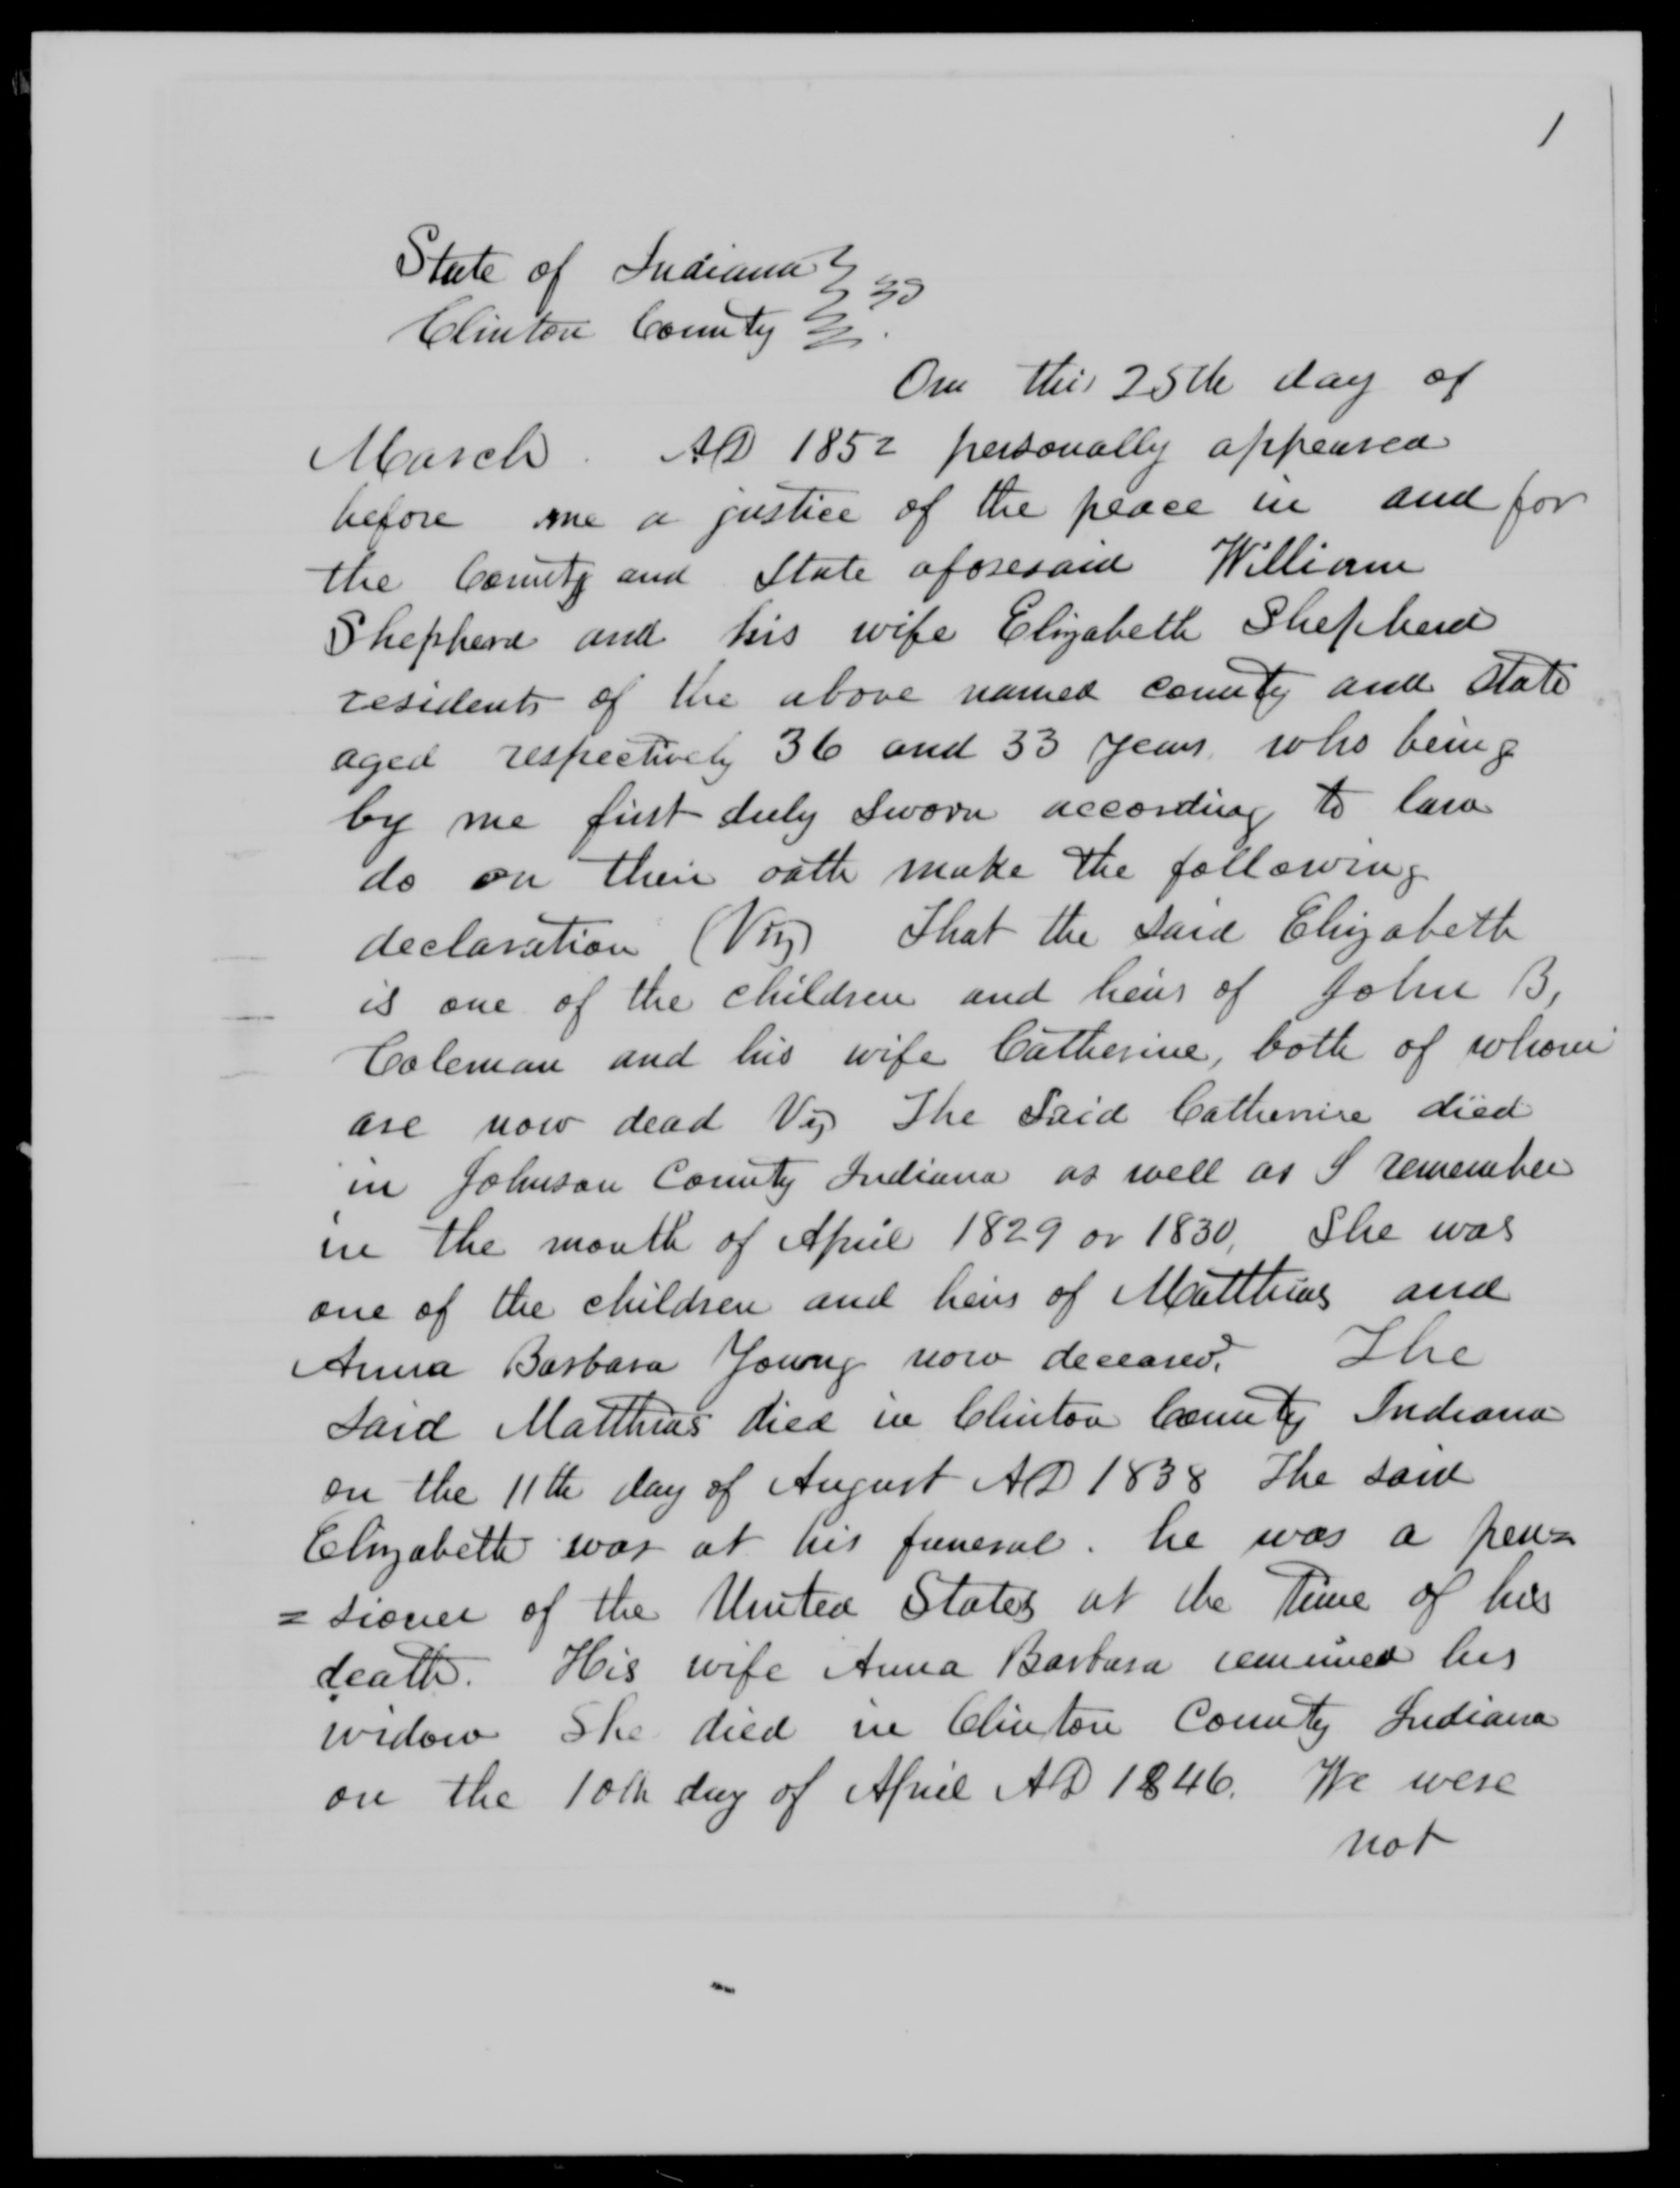State of Indiana  Clinton County ss
On this 25th day of
March AD 1852 personally appeared
before me a justice of the peace in and for
the County and State aforesaid William
Shepherd and his wife Elizabeth Shepherd
residents of the above named County and State,
aged respectively 36 and 33 years who being
by me first duly sworn according to law
do on their oath make the following
declaration (Viz) That the said Elizabeth
is one of the children and heirs of John B.
Coleman and his wife Catherine, both of whom
are now dead. Viz The said Catherine died
in Johnson County Indiana as well as I remember
in the month of April 1829 or 1830. She was
one of the children and heirs of Matthias and
Anna Barbara Young now deceased,
The said Matthias died in Clinton County Indiana
on the 11th day of August AD 1838. The said
Elizabeth war at his funeral. He was a pensioner of the United States at the time of his death.
His wife Anna Barbara remained his
widow.  She died in Clinton County Indiana
on the 10th day of April AD 1846. We were
not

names: Catherine, Matthias Young, John B Coleman, Anna Barbara Young, Elizabeth Shepherd, William Shepherd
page: 81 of 123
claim: rejected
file: R. 11,949, Matthias Young, Md.